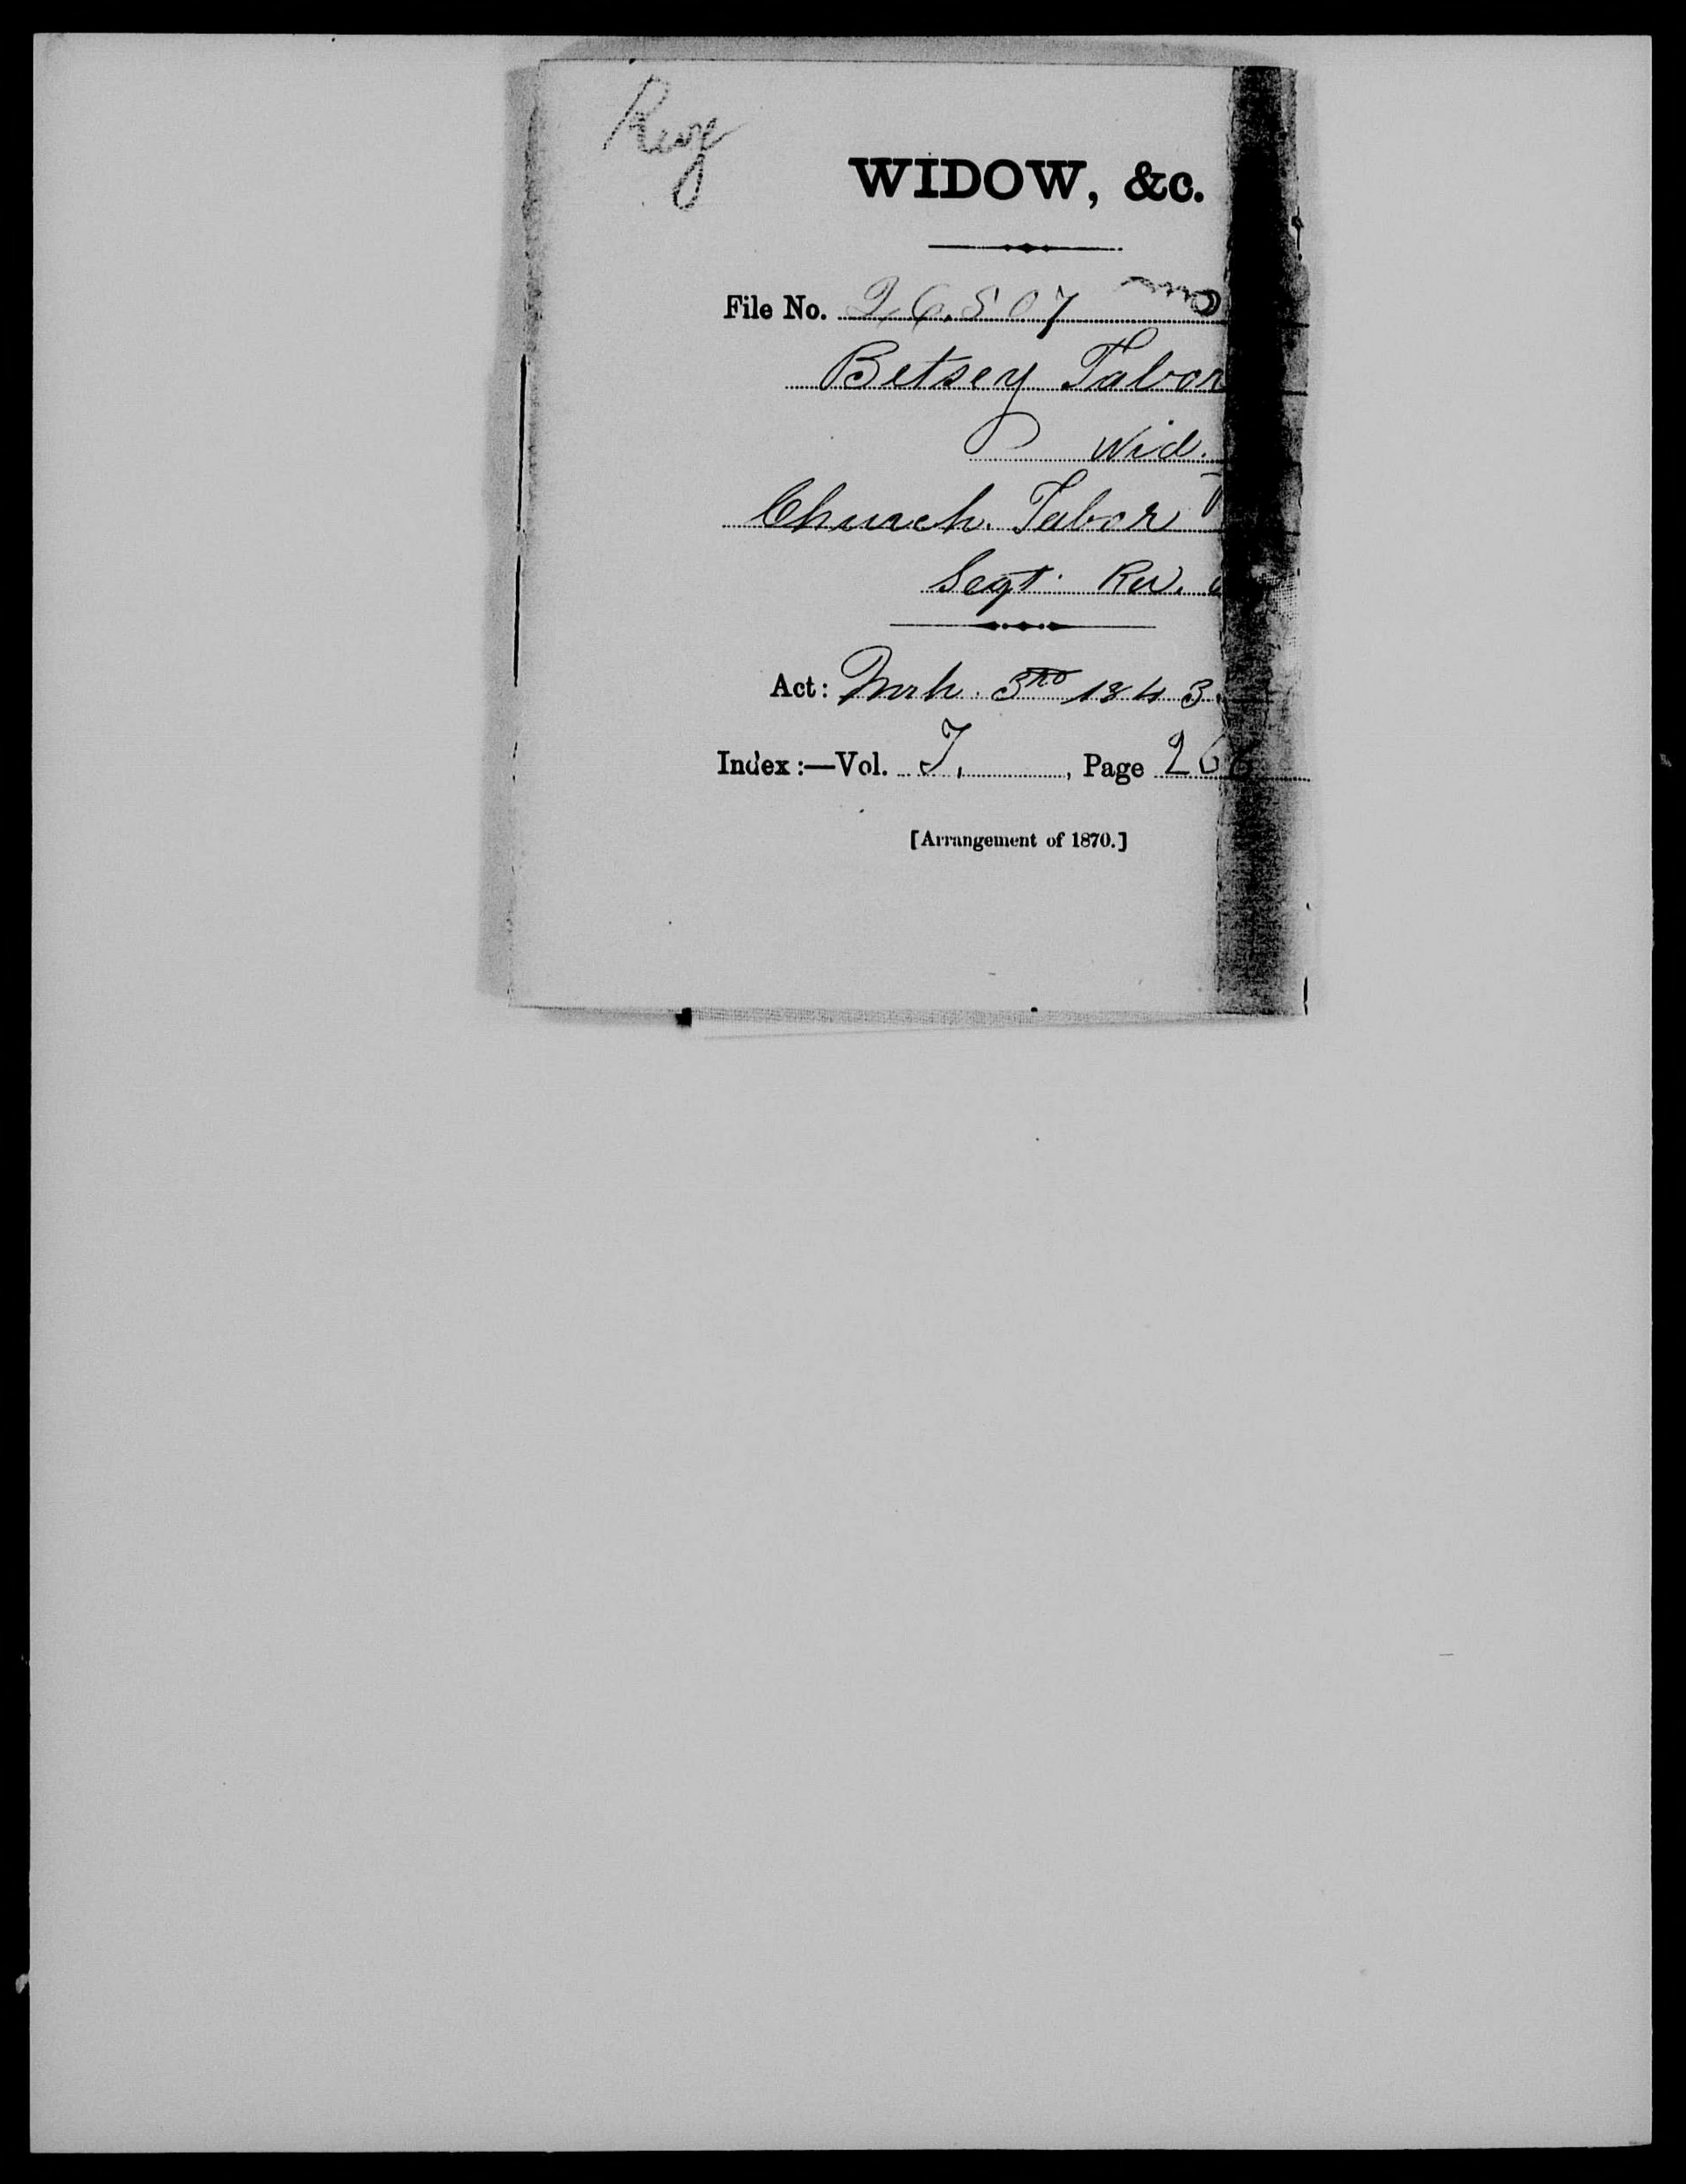Revy.
WIDOW &c.
File No. 26507
Betsey Tabor
Wid. Church Tabor
Segt. Rev.
Act: Mch 3d 1843
Index: Vol. T, Page 266

[Arrangement of 1870]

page: 40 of 41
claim: widow's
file: W 26507, for Church Tabor, Massachusetts